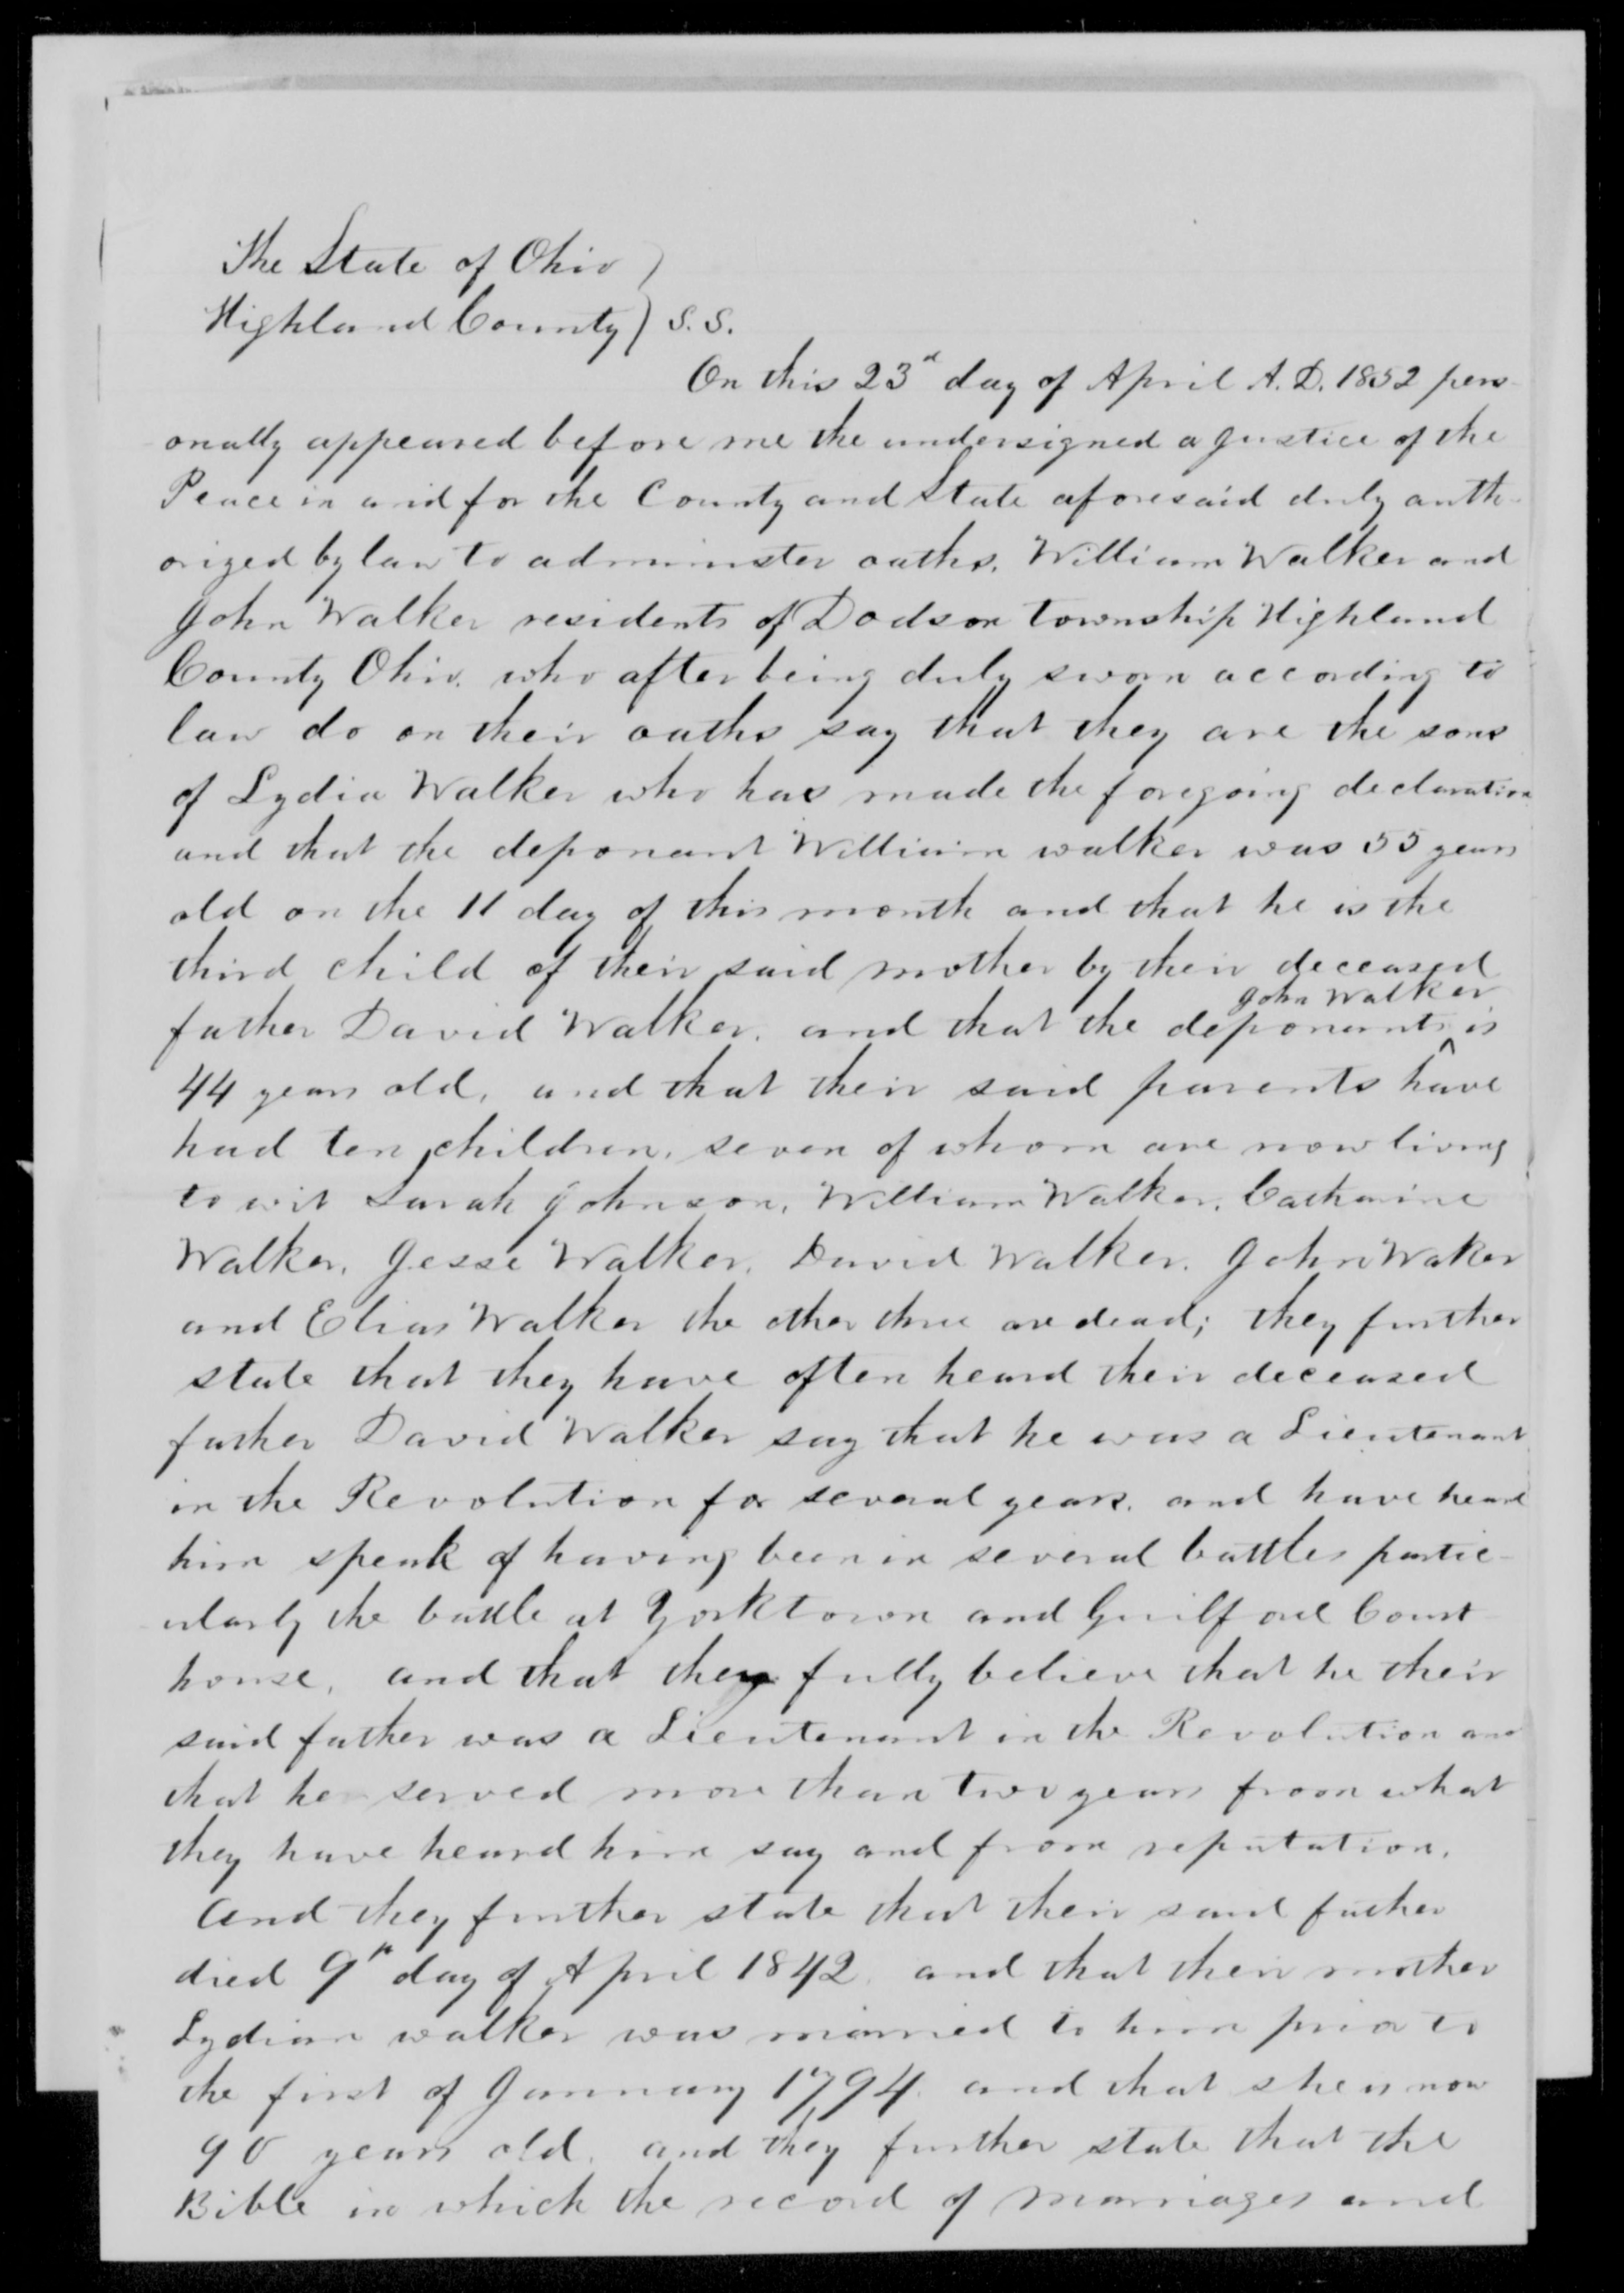The State of Ohio
Highland County 
On this 23d day of April A.D. 1852 personally appeared before me the undersigned a Justice of the Peace in and for the County and State aforesaid duly authorized by law to administer oaths. William Walker and John Walker residents of Dodson township Highland County Ohio who after being duly sworn according to law do on their oaths say that they are the sons of Lydia Walker who has made the foregoing declaration and that the deponent William Walker was 55 years old on the 11 day of this month and that he is the third child of their said mother by their deceased father David Walker and that the deponent is 44 years old, and that their said parents have had ten children seven of whom are now living to wit Sarah Johnson, William Walker, Catharine Walker, Jesse Walker David Walker John Waker and Elias Walker the other three are dead; they further state that they have often heard their deceased father David Walker say that he was a Lieutenant in the Revolution for several years and have heard him speak of having been in several battles particularly the battle at Yorktown and Guilford Courthouse, and that they fully believe that he their said father was a Lieutenant in the Revolution and that he served more than two years from what they have heard him say and from reputation and they further state that their said father died 9th day of April 1842 and that the mother Lydia Walker was married to him prior to the first of January 1794 and that she is now 90 years old, and they further state that the Bible in which the record of marriages and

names: Chas Walker, William Walker, John Walker, David Walker, David Walker, Sarah Johnson, David Walker, John Walker, William Walker, John Walker, William Walker, Lydian Walker, Lydia Walker, Jesse Walker, Catharine Walker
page: 15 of 37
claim: rejected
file: R. 11047, David Walker, N.C.